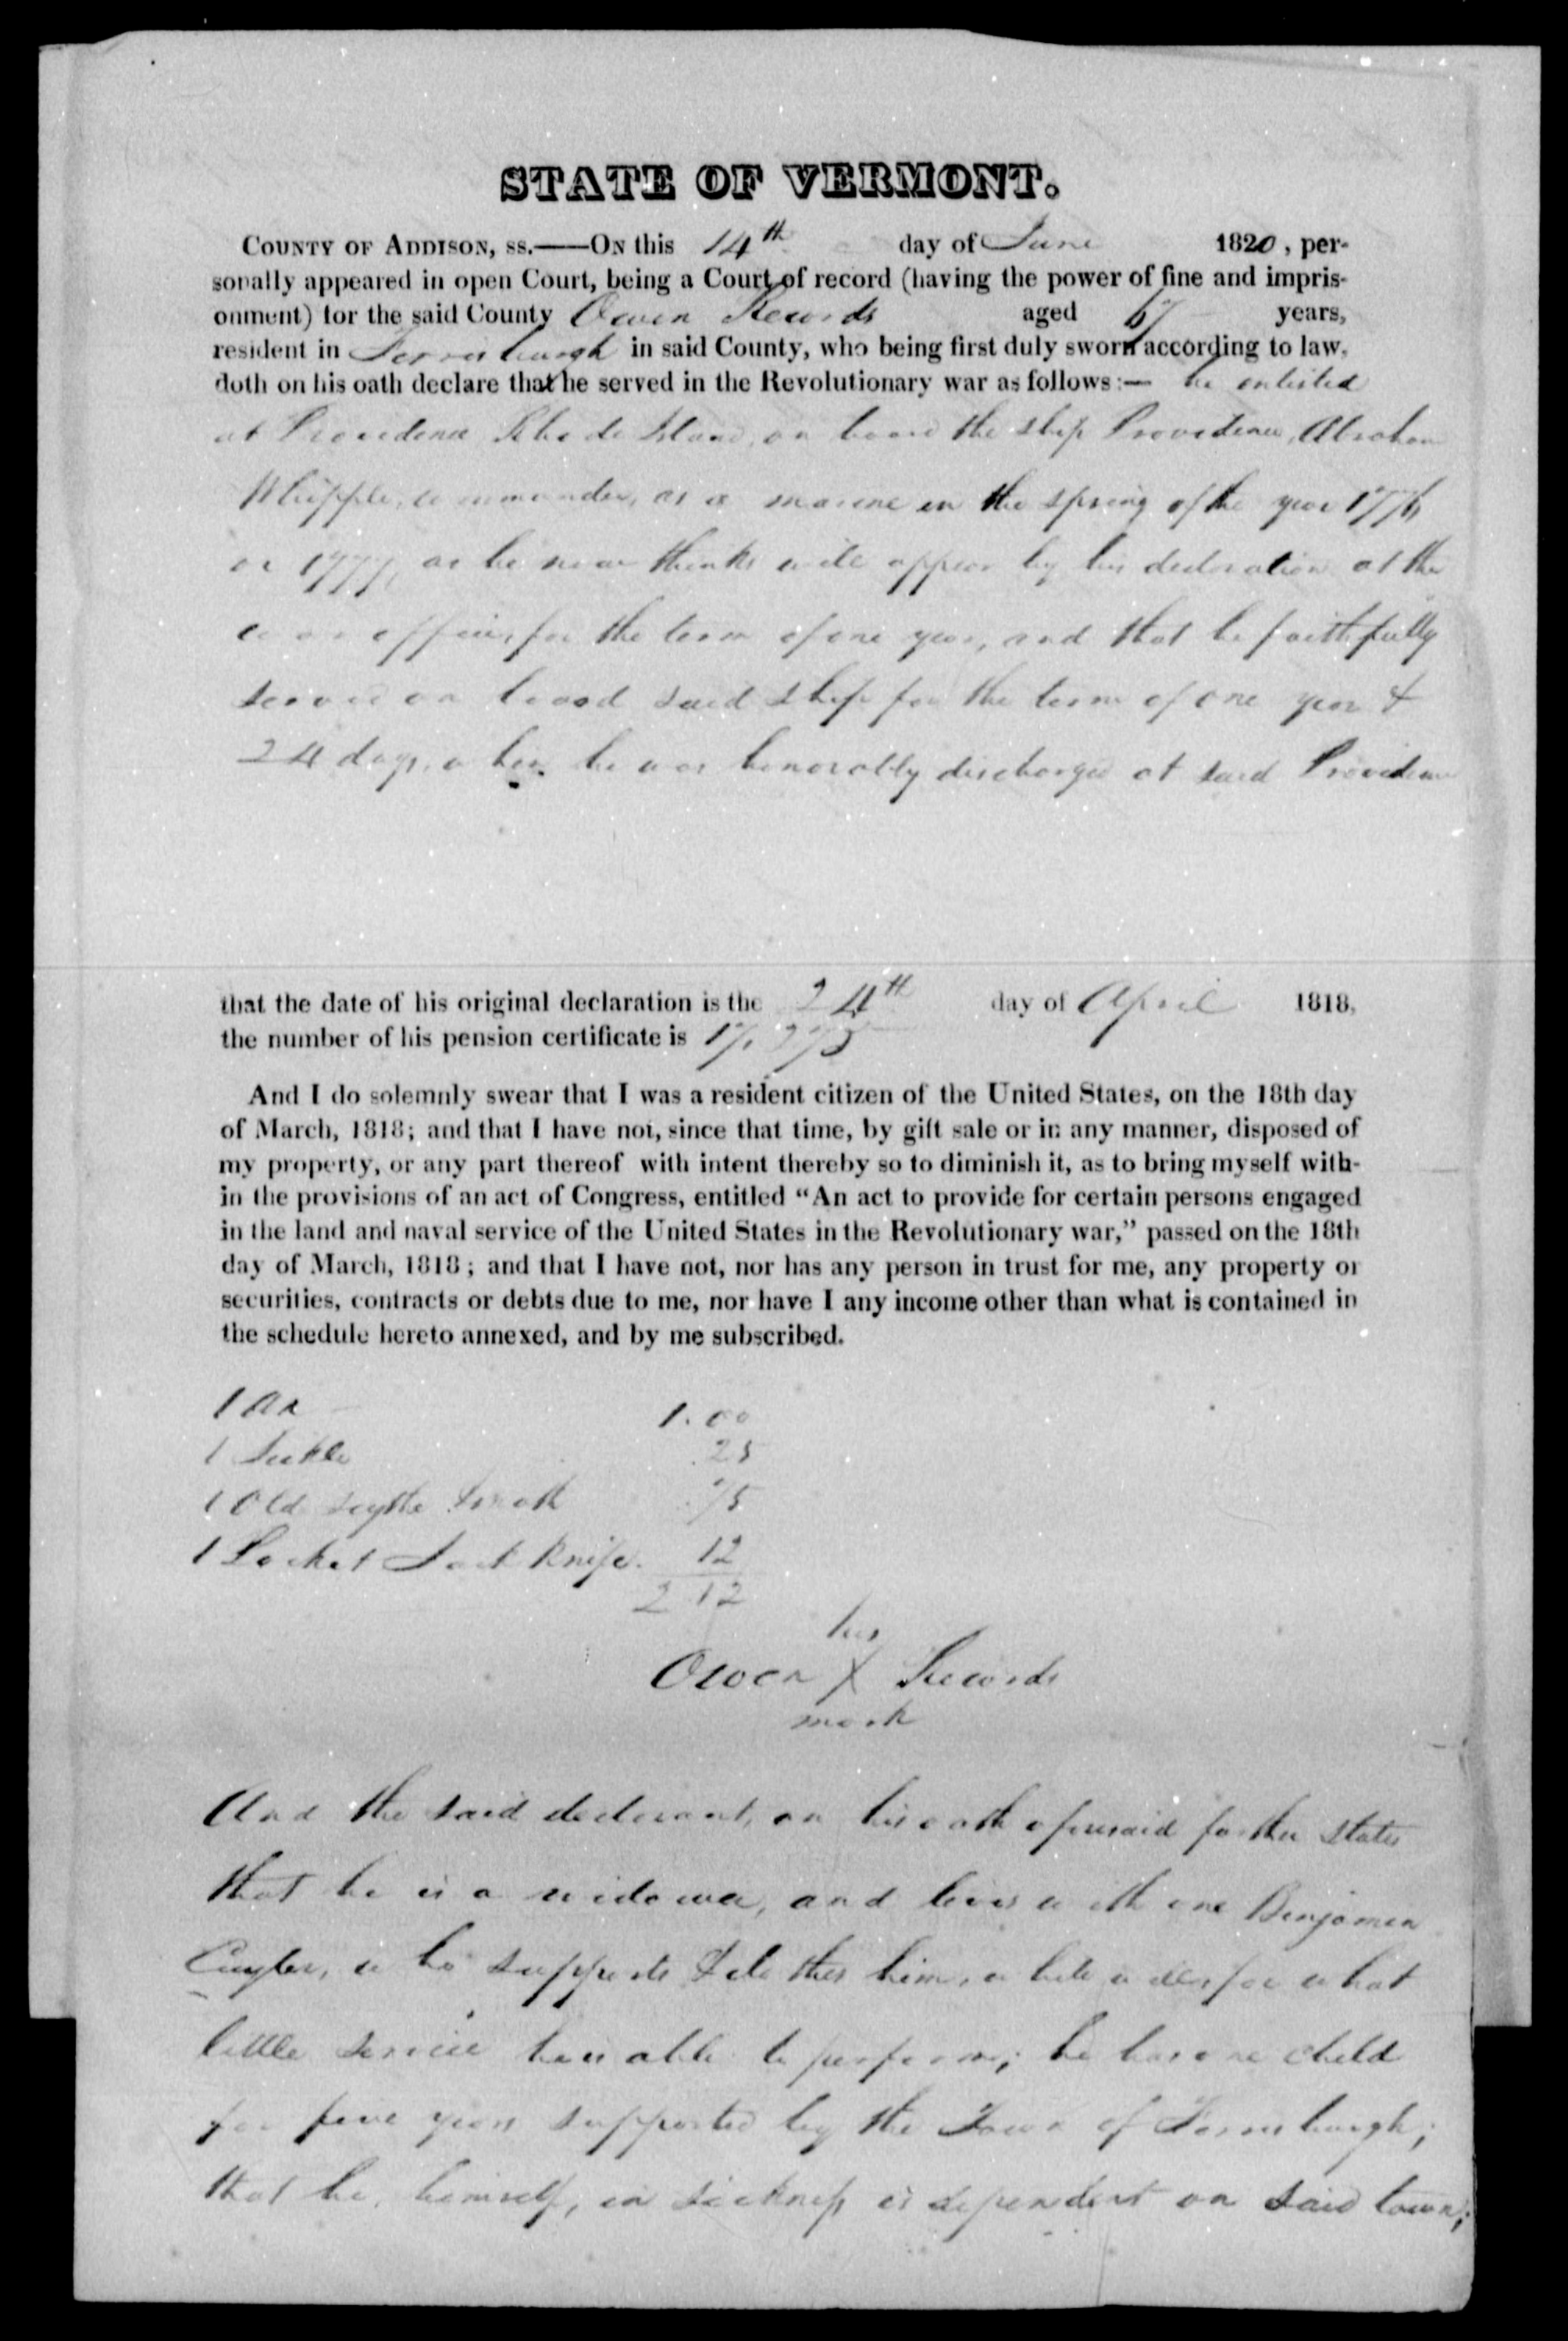STATE OF VERMONT.

COUNTY OF ADDISON, ss.──On this 14th day of June 1820, personally appeared in open Court, being a Court of record (having the power of fine and imprisonment) for the said County Owen Records aged 67 years, resident in Ferrisburgh in said County, who being first duly sworn according to law, doth on his oath declare that he served in the Revolutionary war as follows:─ he enlisted at Providence Rhode Island, on board the ship Providence, Abraham Whipple, commander, as a mariner in the spring of the year 1776 or 1777, as he now thinks will appear by his declaration at the war office, for the term of one year, and that he faithfully served on board said ship for the term of one year & 24 days, when he was honorably discharged at said Providence.
that the date of his original declaration is the 24th day of April 1818, the number of his pension certificate is 17.275

And I do solemnly swear that I was a resident citizen of the United States, on the 18th day of March, 1818; and that I have not, since that time, by gift sale or in any manner, disposed of my property, or any part thereof with intent thereby so to diminish it, as to bring myself within the provisions of an act of Congress, entitled "An act to provide for certain persons engaged in the land and naval service of the United States in the Revolutionary war," passed on the 18th day of March, 1818; and that I have not, nor has any person in trust for me, any property or securities, contracts or debts due to me, nor have I any income other than what is contained in the schedule hereto annexed, and by me subscribed.

1 Ax.                        1.00
1 Sickle.                    .25
1 Old Scythe ??         .75
1 Pocket Jack knife   .12
                                  2.12
[right] his
[right] Owen X Records [X being his mark in lieu of signature]
[right] mark

And the said declarant, on his oath aforesaid further states that he is a widower and lives with one Benjamin Cugler who supports & clothes him, while a bit ?? for what little service he is able to perform, he has one child for five years supported by the Town of Ferrisburgh; that he himself, in sickness is dependent on said town;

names: Owen Records; Owen Records; Benjamin Cugler; Abraham Whipple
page: 6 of 12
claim: survivor's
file: S. 41977, for Owen Records, Rhode Island